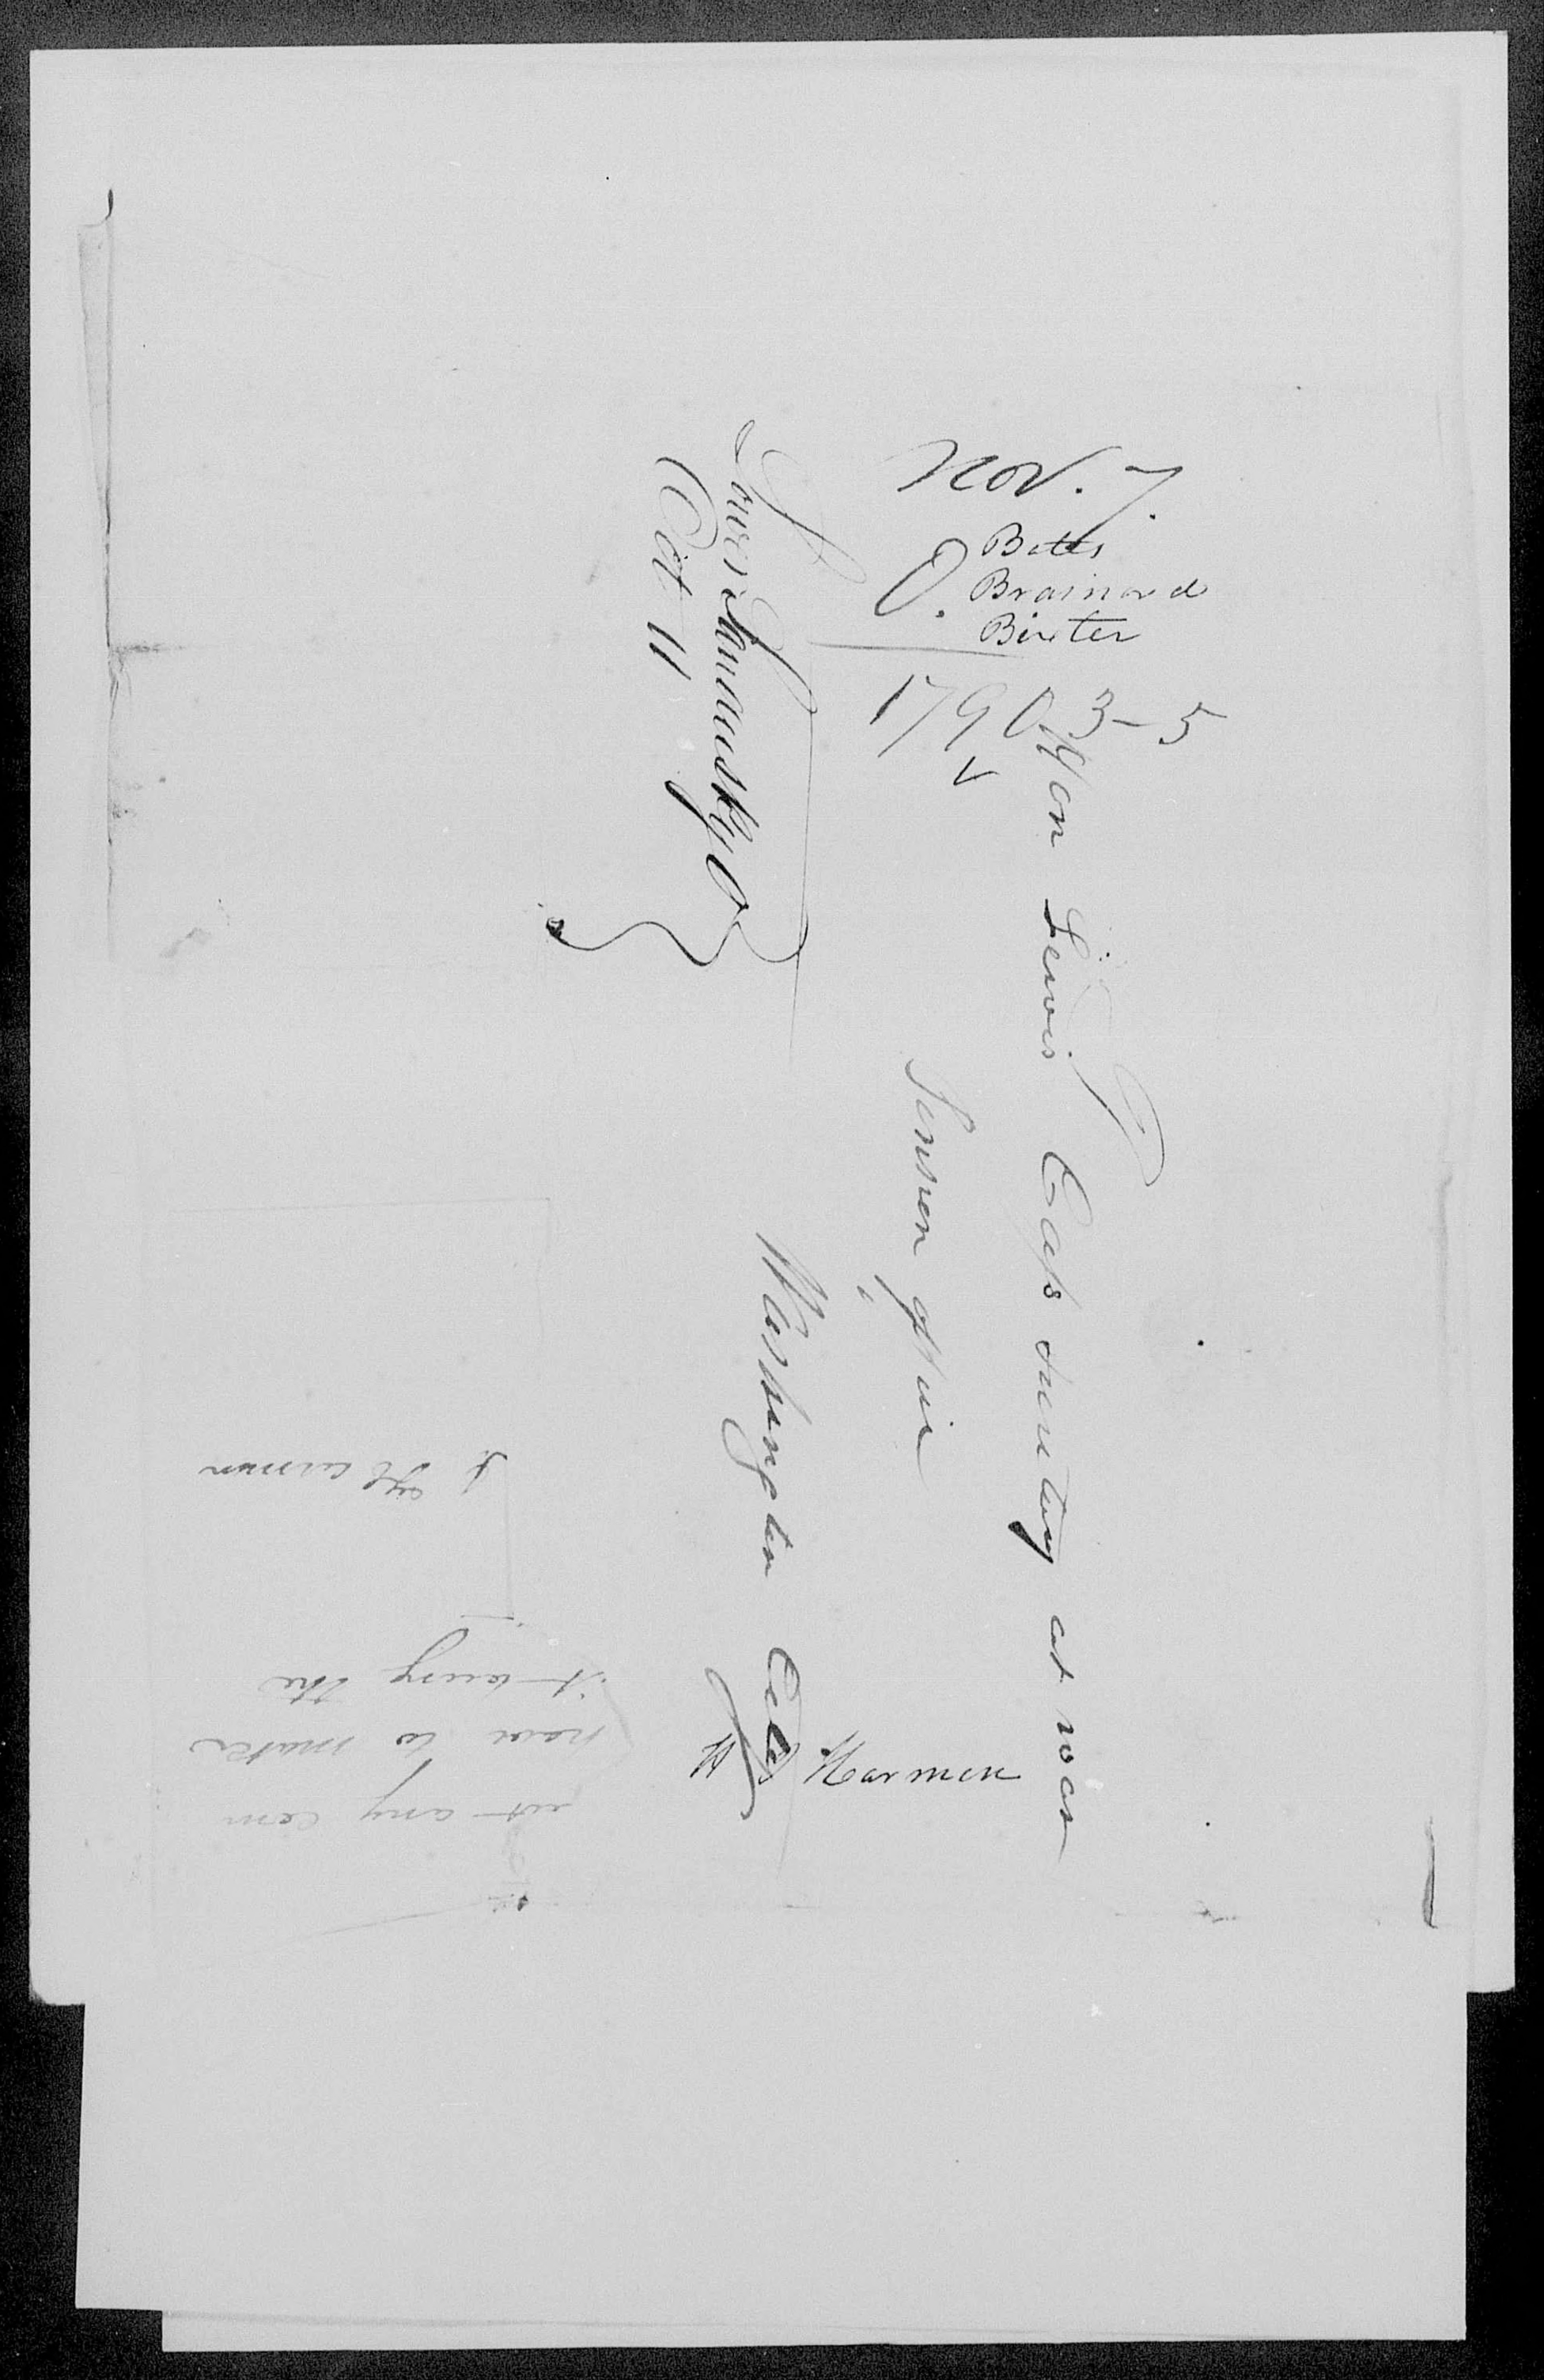Lower Sandusky 
Oct 11
Nov. 7
Bates
Brainard
Binter
17903-5
Hon Lewis
Ga & Secretary
Pension Office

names: Lewis Cass, O Brainard, Lours Sandusky, H J Harmen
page: 19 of 30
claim: survivor's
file: S. 3099, Daniel Brainard, Conn. Privateer